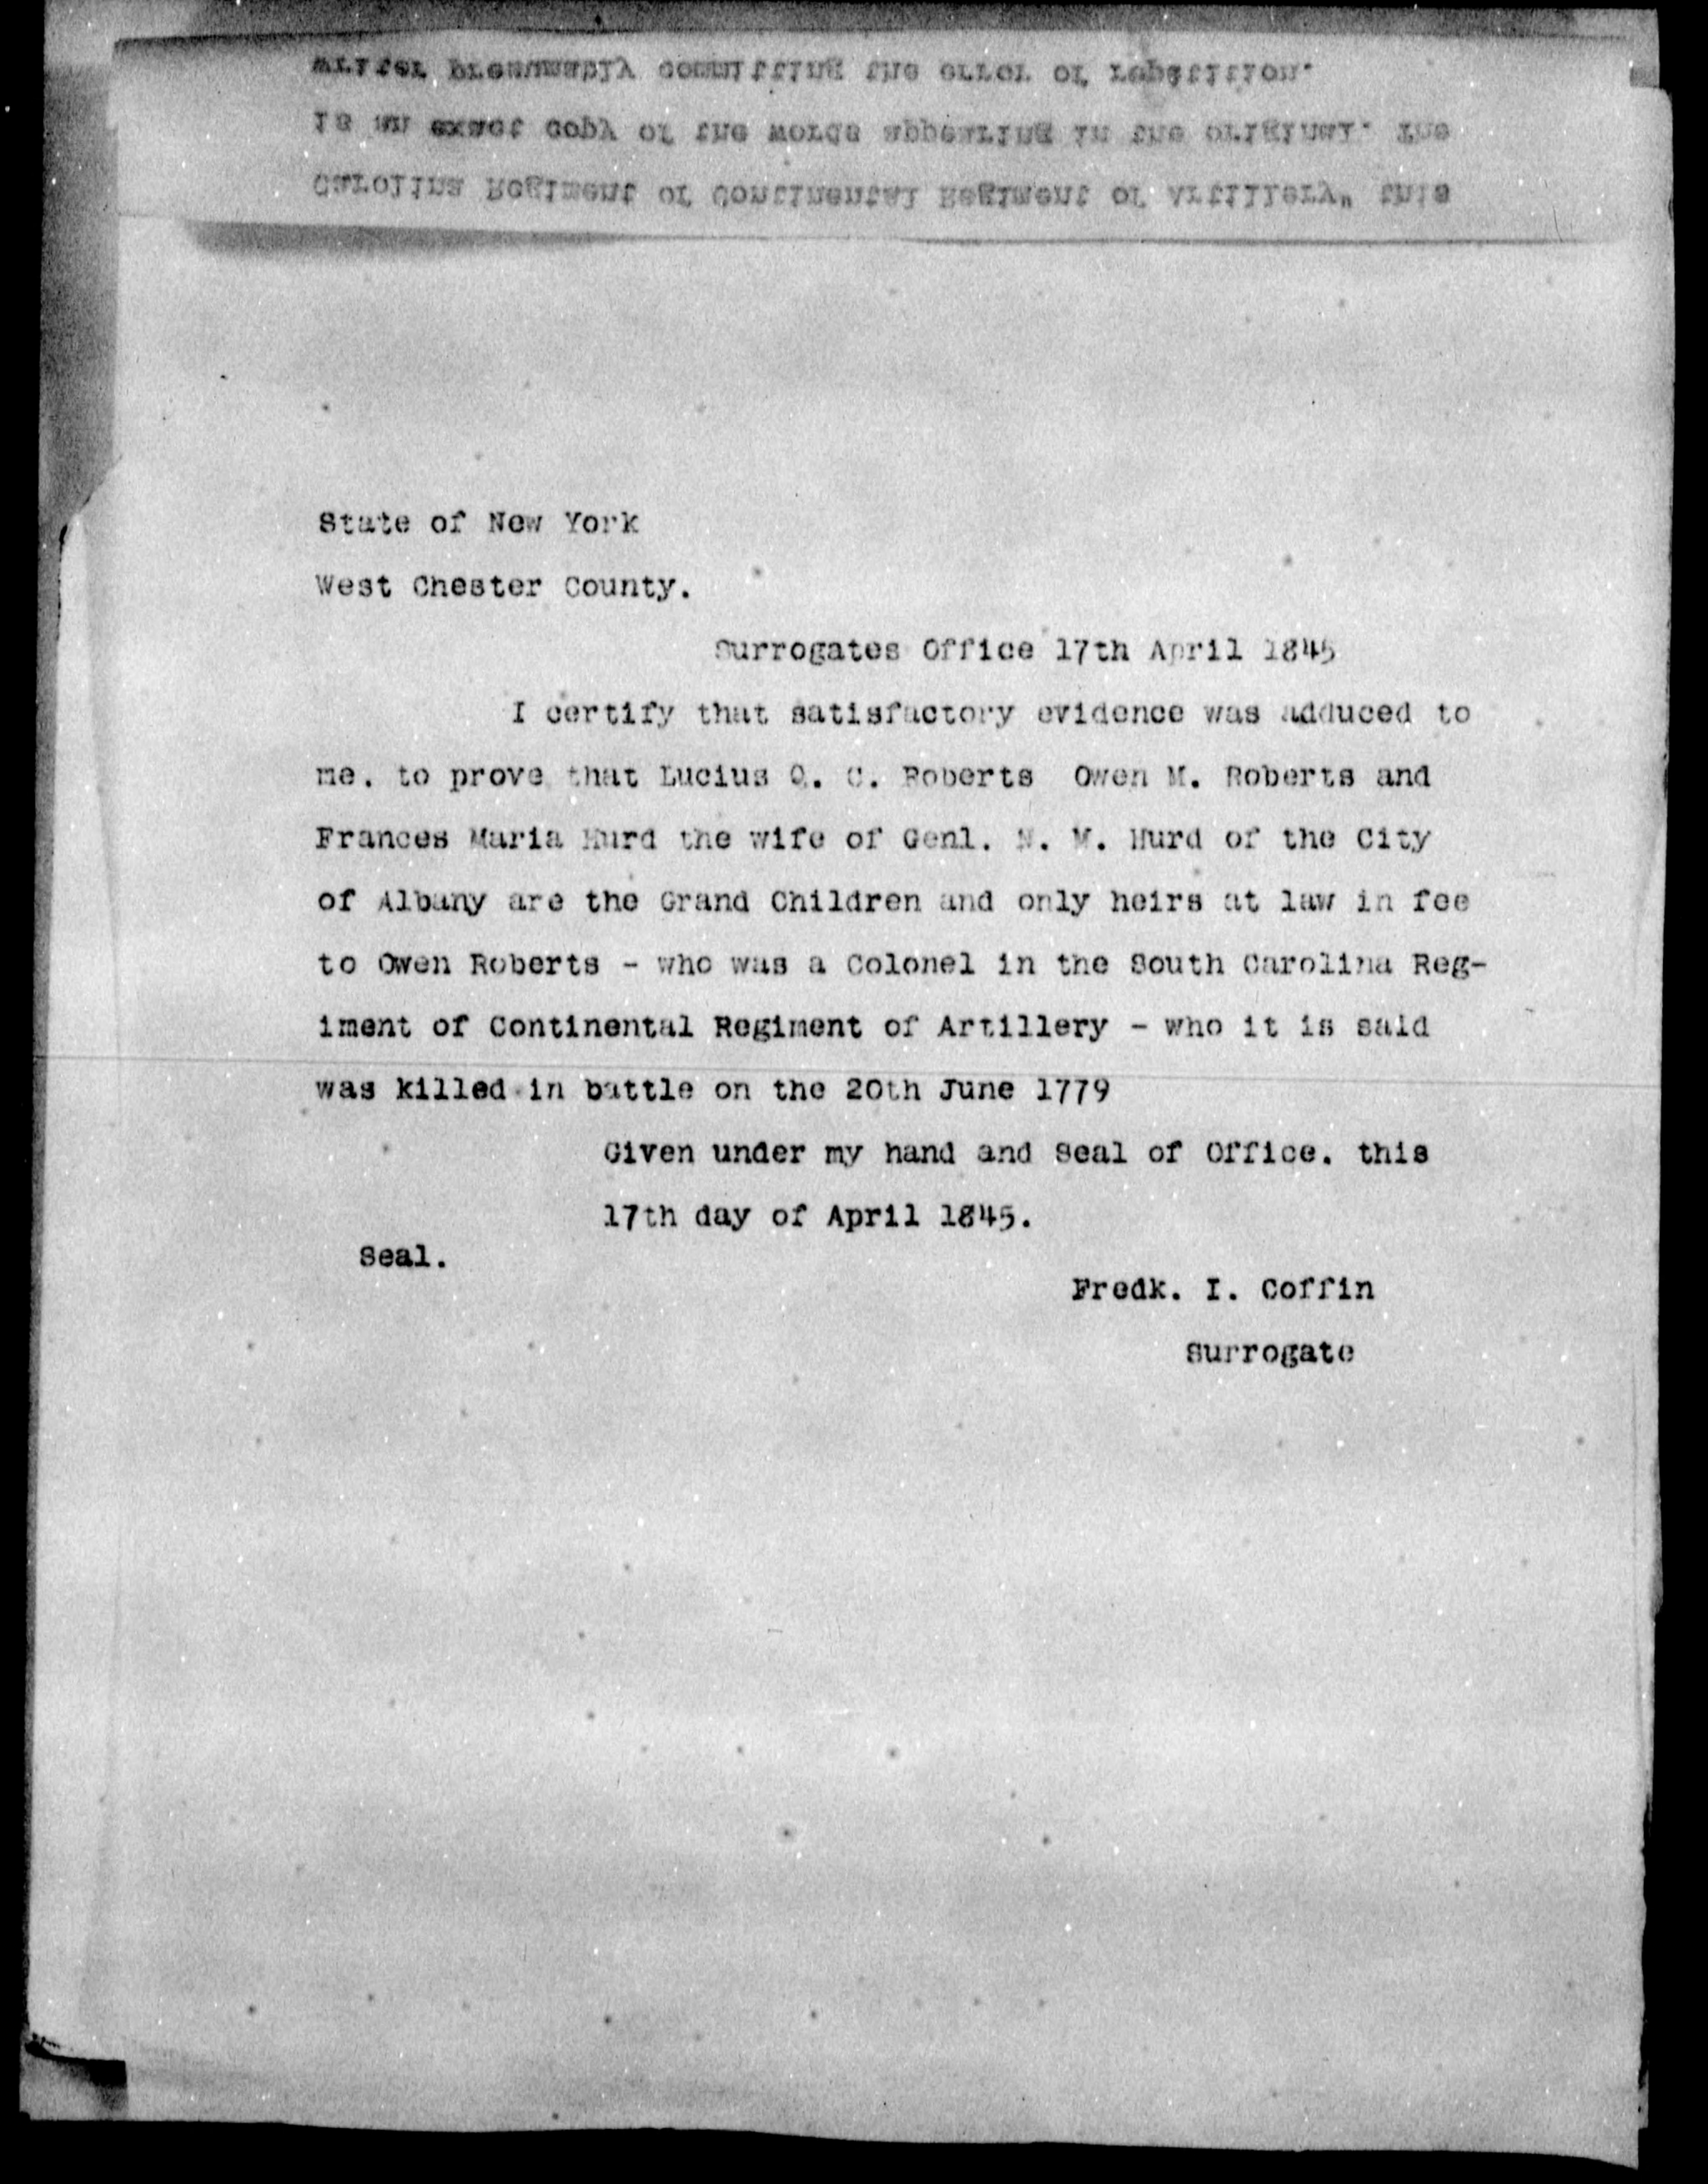State of New York
West Chester County.
Surrogates Office 17th April 1845

I certify that satisfactory evidence was adduced to me. to prove that Lucius Q. C. Roberts  Owen M. Roberts and Frances Maria Hurd the wife or Genl. [General] N. M. Hurd of the City of Albany are the Grand Children and only heirs at law in fee to Owen Roberts - who was a Colonel in the South Carolina Regiment of Continental Regiment of Artillery - who it is said was killed in battle on the 20th June 1779
Given under my hand and Seal of Office. this
17th day of April 1845.
Seal.
Fredk. I. Coffin
Surrogate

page: 44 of 59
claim: bounty land warrant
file: B.L.Wt. 2359-500, for Owen Roberts, South Carolina